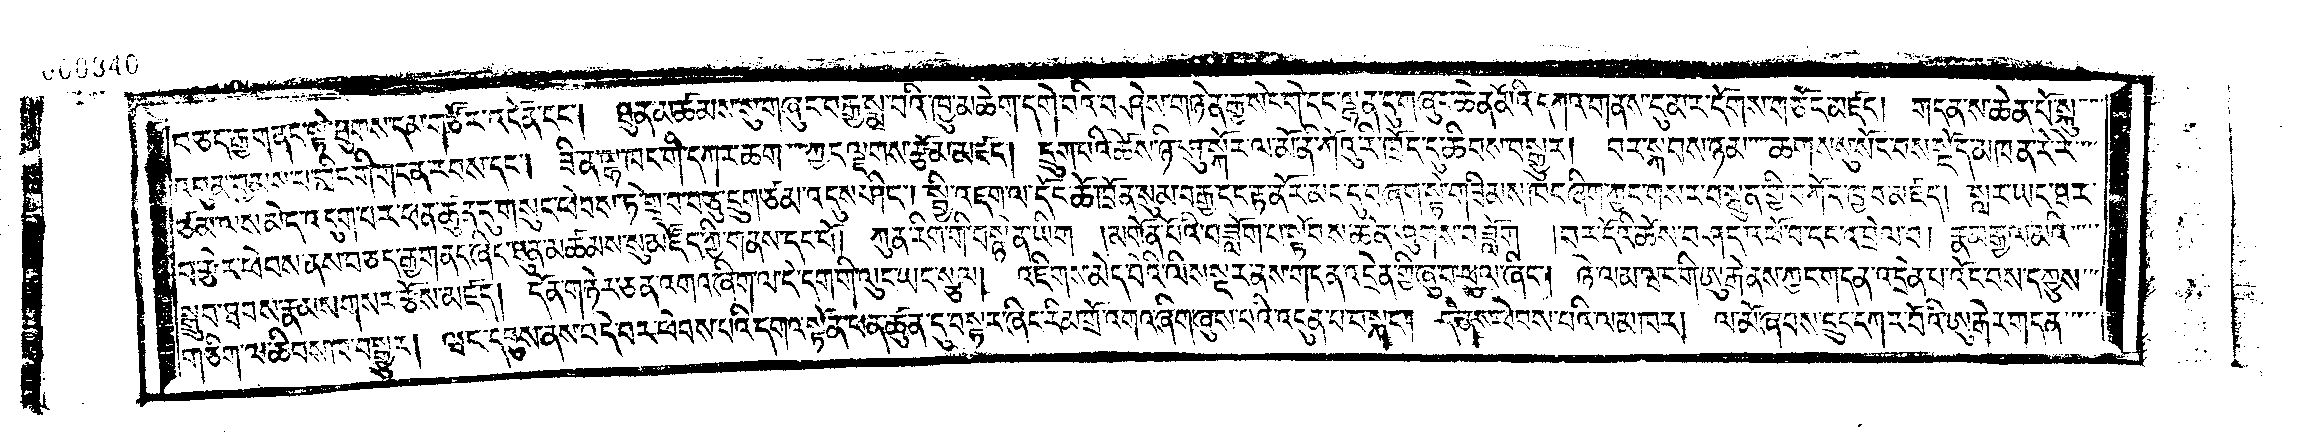བཅད་རྒྱ་གནང་སྟེ་ཐུགས་དམ་གཙོར་འདོན་དང་། ཐུན་མཚམས་སུ་གཞུང་བརྒྱ་སྨྲ་བའི་ཁྱུ་མཆོག་དགེ་བའི་བཤེས་གཉེན་རྒྱ་སེང་གེ་དང་ལྷན་དུ་གཞུང་ཆེན་མོའི་དཀའ་གནས་དུ་མར་དོགས་གཅོད་མཛད། གདན་ས་ཆེན་པོ་སྐུ་
འབུམ་བྱམས་པ་གླིང་གི་གདན་རབས་དང་། ཟིན་ལྷ་ཁང་གི་དཀར་ཆག་ཀྱང་ལྗགས་རྩོམ་མཛད། དྲུག་པའི་ཚེས་ཉི་ཤུ་སྐོར་ལ་མོ་ནི་ཀོའུ་རི་ཁྲོད་དུ་ཆིབས་བསྒྱུར། བར་སྐབས་ཉམ་ཆགས་སུ་སོང་བས་སྡོད་མཁན་རེ་རེ་
ཙམ་ལས་མེད་འདུག་པར་ཕན་ཚུན་དུ་གསུང་ཕེབས་ཏེ་གྲྭ་བ་བཅུ་དྲུག་ཙམ་འདུས་ཤིང་། སྤྱི་འཇོག་ལ་དོང་ཚེ་ཁྲོན་སུམ་བརྒྱ་དང་རྟ་ནོར་མང་དུ་བཞག་སྟེ་གཟིམས་ཁང་ཞིག་ཀྱང་གསར་བསྐྲུན་གྱི་བཀོད་ཁྱབ་མཛད། སླར་ཡང་ཐར་
པ་རྩེར་ཕེབས་ནས་བཅད་རྒྱ་གནང་ཞིང་ཐུན་མཚམས་སུ་མཛོད་ཀྱི་གནས་དང་པོ། ཀུན་རིག་གི་བསྙེན་ཡིག །མགོན་པོའི་བཟློག་པ་སྟོབས་ཆེན་ཤུགས་བཟློག །བར་དོའི་ཆོས་བཤད་འཕོ་བ་དང་འབྲེལ་བ། རྣམ་རྒྱལ་མའི་
སྒྲུབ་ཐབས་རྣམས་གསར་རྩོམ་མཛད། དོན་གཉེར་ཅན་འགའ་ཞིག་ལ་དེ་དག་གི་ལུང་ཡང་སྩལ། འཇིགས་མེད་པའི་ལིས་སྔར་ནས་གདན་འདྲེན་གྱི་ཞུ་བ་ཕུལ་ཞིང་། ཉེ་ལམ་ཝང་གི་ཨུརྒ་ནས་ཀྱང་གདན་འདྲེན་པ་འོང་བས་དཀྱུས་
གཅིག་ལ་ཆིབས་ཁ་བསྒྱུར། ཝང་དབུས་ནས་བདེ་བར་ཕེབས་པའི་དགའ་སྟོན་ཕན་ཚུན་དུ་བསྟར་ཞིང་རིམ་གྲོ་འགའ་ཞིག་ཞུས་པའི་འདུན་པ་བསྐང་། དེ་ནས་ཕེབས་པའི་ལམ་ཁར། ལ་མོ་ཞབས་དྲུང་དཀར་པོའི་ཨུརྒེར་གདན་